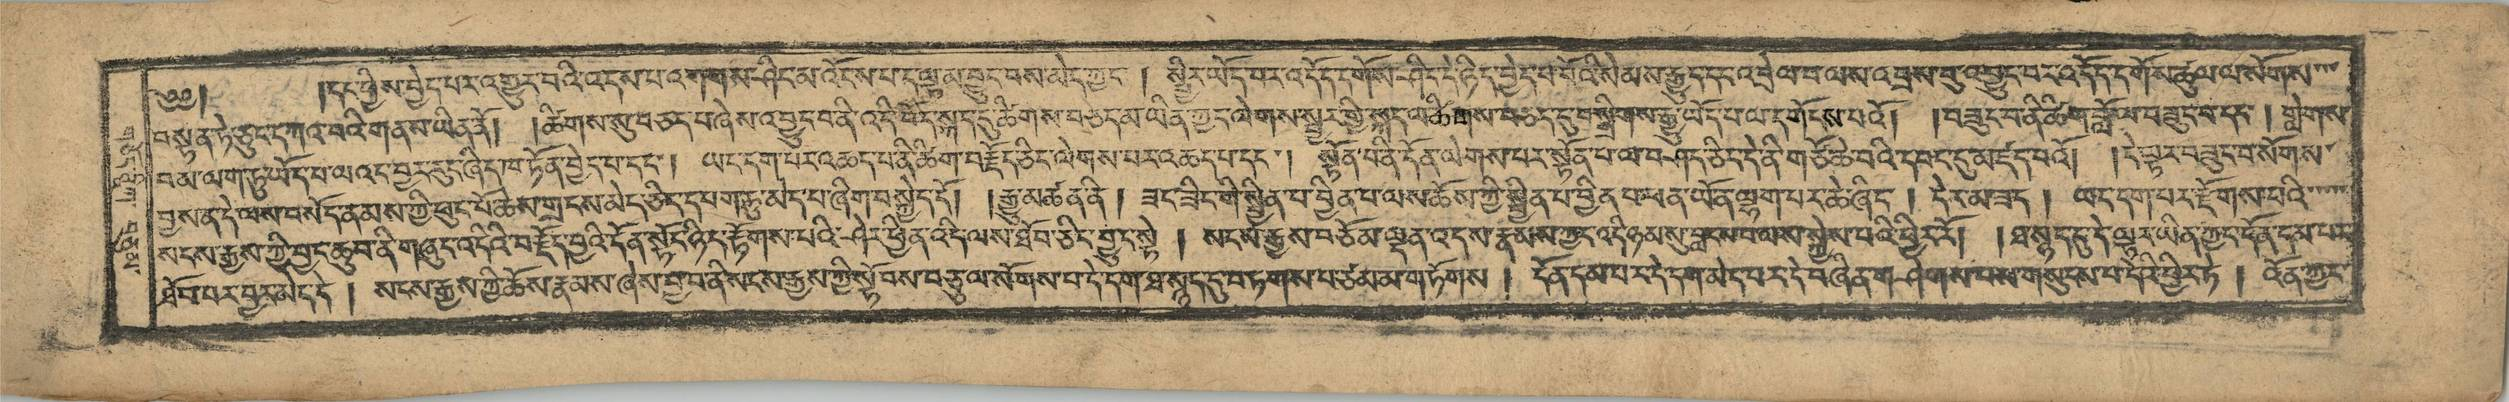༄༅། །དང་ཕྱིས་བྱེད་པར་འགྱུར་བའི་འདས་པ་འགགས་ཤིང་མ་འོངས་པ་ད་ལྟ་མ་བྱུང་བས་མེད་ཀྱང་། སྤྱིར་ཡོད་པར་འདོད་དགོས་ཤིང་དེ་ཉིད་བྱེད་པ་པོའི་སེམས་རྒྱུད་དང་འབྲེལ་བ་ལས་འབྲས་བུ་འབྱུང་བར་འདོད་དགོས་ཚུལ་ལ་སོགས་
བསྟན་ཏེ་ཅུང་དཀའ་བའི་གནས་ཡིན་ནོ། །ཚིགས་སུ་བཅད་པ་ཞེས་འབྱུང་བ་ནི་འདི་བོད་སྐད་དུ་ཚིགས་བཅད་མ་ཡིན་ཀྱང་ལེགས་སྦྱར་གྱི་སྐད་ལ་ཚིགས་བཅད་དུ་བསྒྲིགས་རྒྱུ་ཡོད་པ་ལ་དགོངས་པའོ། །བཟུང་བ་ནི་ཚིག་བློ་ལ་བཟུང་བ་དང་། གླེགས་
བམ་ལག་ཏུ་ཡོད་པ་ལའང་བྱར་རུང་ཞིང་ཁ་ཏོན་བྱེད་པ་དང་། ཡང་དག་པར་འཆད་པ་ནི་ཚིག་བརྗོད་ཅིང་ལེགས་པར་འཆད་པ་དང་། སྟོན་པ་ནི་དོན་ལེགས་པར་སྟོན་པ་ལ་བཤད་ཅིང་དེ་ནི་གཙོ་ཆེ་བའི་དབང་དུ་མཛད་པའོ། །དེ་ལྟར་བཟུང་བ་སོགས་
བྱས་ན་དེ་ལས་བསོད་ནམས་ཀྱི་ཕུང་པོ་ཆེས་གྲངས་མེད་ཅིང་དཔག་ཏུ་མེད་པ་ཞིག་བསྐྱེད་དོ། །རྒྱུ་མཚན་ནི། ཟང་ཟིང་གི་སྦྱིན་པ་བྱིན་པ་ལས་ཆོས་ཀྱི་སྦྱིན་པ་བྱིན་པ་ཕན་ཡོན་ལྷག་པར་ཆེ་ཞིང་། དེར་མ་ཟད། ཡང་དག་པར་རྫོགས་པའི་
སངས་རྒྱས་ཀྱི་བྱང་ཆུབ་ནི་གཞུང་འདིའི་བརྗོད་བྱའི་དོན་སྟོང་ཉིད་རྟོགས་པའི་ཤེར་ཕྱིན་འདི་ལས་ཐོབ་ཅིང་བྱུང་སྟེ། སངས་རྒྱས་བཅོམ་ལྡན་འདས་རྣམས་ཀྱང་འདི་ཉམས་སུ་བླངས་པ་ལས་སྐྱེས་པའི་ཕྱིར་རོ། །ཐ་སྙད་དུ་དེ་ལྟར་ཡིན་ཀྱང་དོན་དམ་པར་
ཐོབ་པར་བྱར་མེད་དེ། སངས་རྒྱས་ཀྱི་ཆོས་རྣམས་ཞེས་བྱ་བ་ནི་སངས་རྒྱས་ཀྱི་སྟོབས་བཅུ་ལ་སོགས་པ་དེ་དག་ཐ་སྙད་དུ་བཏགས་པ་ཙམ་མ་གཏོགས། དོན་དམ་པར་དེ་དག་མེད་པར་དེ་བཞིན་གཤེགས་པས་གསུངས་པ་དེའི་ཕྱིར་ཏེ། འོན་ཀྱང་